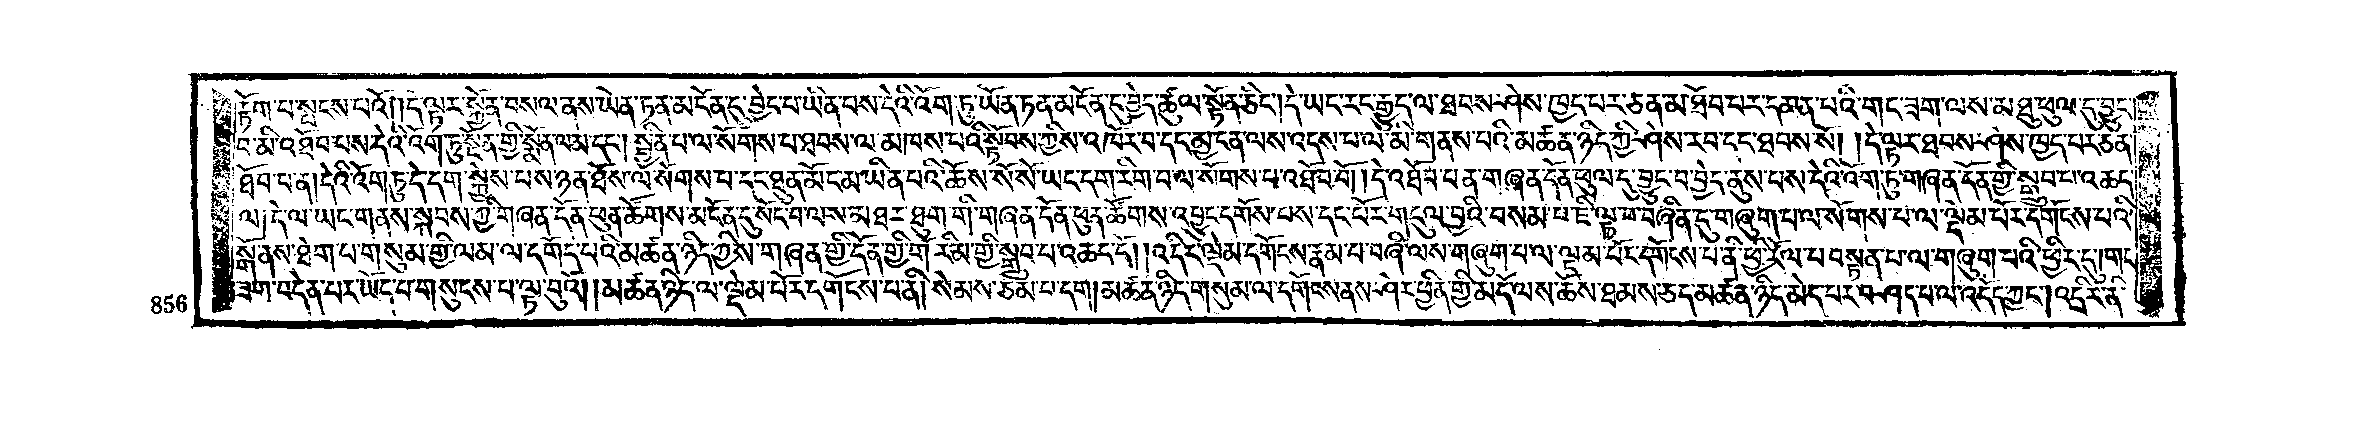རྟོག་པ་སྤངས་པའོ། །དེ་ལྟར་སྐྱོན་བསལ་ནས་ཡོན་ཏན་མངོན་དུ་བྱེད་པ་ཡིན་པས་དེའི་འོག་ཏུ་ཡོན་ཏན་མངོན་དུ་བྱེད་ཚུལ་སྟོན་ཅིང་། དེ་ཡང་རང་རྒྱུད་ལ་ཐབས་ཤེས་ཁྱད་པར་ཅན་མ་ཐོབ་པར་དམན་པའི་གང་ཟག་ལས་མཐུ་ཕུལ་དུ་བྱུང་
བ་མི་འཐོབ་པས་དེའི་འོག་ཏུ་སྔོན་གྱི་སྨོན་ལམ་དང་། སྦྱིན་པ་ལ་སོགས་པ་ཐབས་ལ་མཁས་པའི་སྟོབས་ཀྱིས་འཁོར་བ་དང་མྱ་ངན་ལས་འདས་པ་ལ་མི་གནས་པའི་མཚན་ཉིད་ཀྱི་ཤེས་རབ་དང་ཐབས་སོ། །དེ་ལྟར་ཐབས་ཤེས་ཁྱད་པར་ཅན་
ཐོབ་པ་ན། དེའི་འོག་ཏུ་དེ་དག་སྐྱེས་པས་ཉན་ཐོས་ལ་སོགས་པ་དང་ཐུན་མོང་མ་ཡིན་པའི་ཆོས་སོ་སོ་ཡང་དག་རིག་པ་ལ་སོགས་པ་འཐོབ་བོ། །དེ་འཐོབ་པ་ན་གཞན་དོན་ཕུལ་དུ་བྱུང་བ་བྱེད་ནུས་པས་དེའི་འོག་ཏུ་གཞན་དོན་གྱི་སྒྲུབ་པ་འཆད་
ལ༑ དེ་ལ་ཡང་གནས་སྐབས་ཀྱི་གཞན་དོན་ཕུན་ཚོགས་མངོན་དུ་སོང་བ་ལས་མཐར་ཐུག་གི་གཞན་དོན་ཕུན་ཚོགས་འབྱུང་དགོས་པས་དང་པོར་གདུལ་བྱའི་བསམ་པ་ཇི་ལྟ་བ་བཞིན་དུ་གཞུག་པ་ལ་སོགས་པ་ལ་ལྡེམ་པོར་དགོངས་པའི་
སྒོ་ནས་ཐེག་པ་གསུམ་གྱི་ལམ་ལ་དགོད་པའི་མཚན་ཉིད་ཀྱིས་གཞན་གྱི་དོན་གྱི་གོ་རིམ་གྱི་སྒྲུབ་པ་འཆད་དོ། །འདིར་ལྡེམ་དགོངས་རྣམ་པ་བཞི་ལས་གཞུག་པ་ལ་ལྡེམ་པོར་དགོངས་པ་ནི་ཕྱི་རོལ་བ་བསྟན་པ་ལ་གཞུག་པའི་ཕྱིར་དུ། གང་
ཟག་བདེན་པར་ཡོད་པ་གསུངས་པ་ལྟ་བུའོ། །མཚན་ཉིད་ལ་ལྡེམ་པོར་དགོངས་པ་ནི། སེམས་ཙམ་པ་དག། མཚན་ཉིད་གསུམ་ལ་དགོངས་ནས་ཤེར་ཕྱིན་གྱི་མདོ་ལས་ཆོས་ཐམས་ཅད་མཚན་ཉིད་མེད་པར་བཤད་པ་ལ་འདོད་ཀྱང་། འདྲིར་ནི་